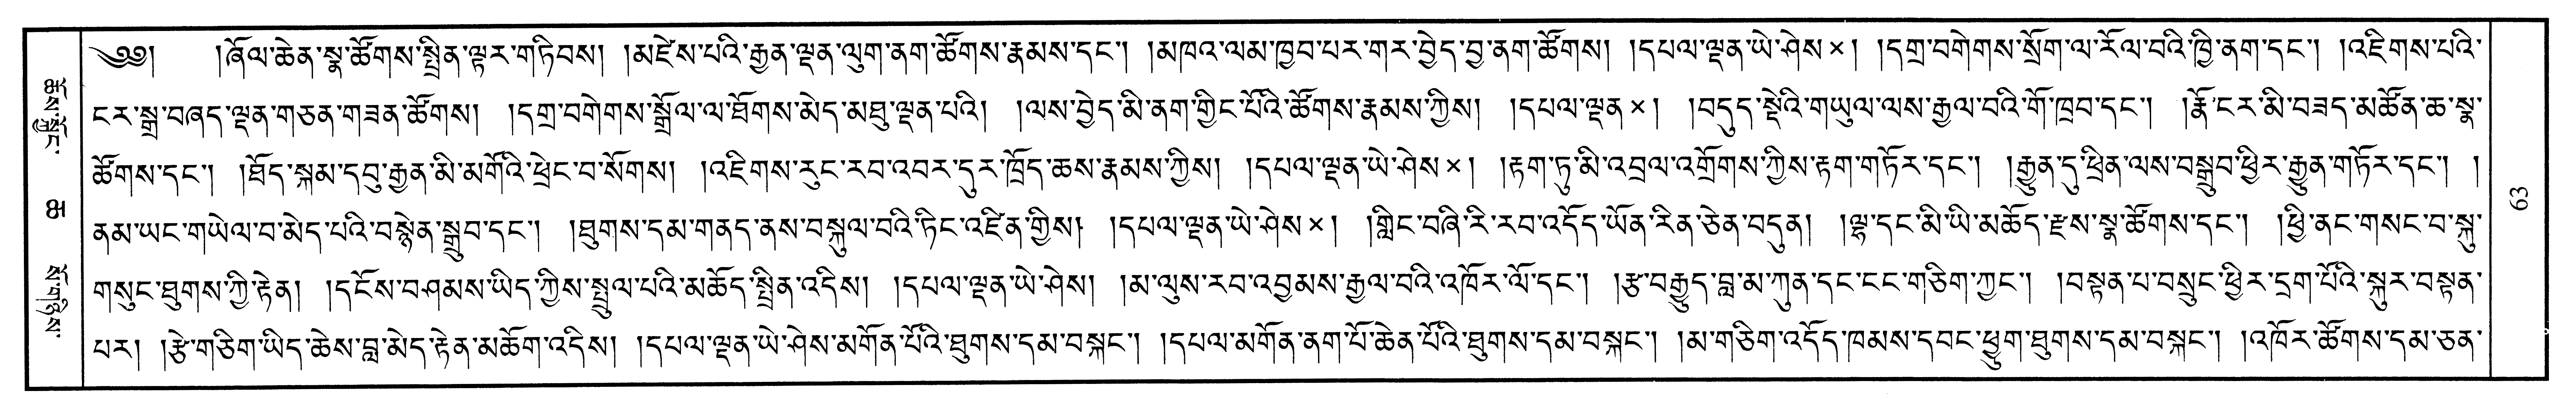༄༅། །ཞོལ་ཆེན་སྣ་ཚོགས་སྤྲིན་ལྟར་གཏིབས། །མཛེས་པའི་རྒྱན་ལྡན་ལུག་ནག་ཚོགས་རྣམས་དང་། །མཁའ་ལམ་ཁྱབ་པར་གར་བྱེད་བྱ་ནག་ཚོགས། །དཔལ་ལྡན་ཡེ་ཤེས་྾། །དགྲ་བགེགས་སྲོག་ལ་རོལ་བའི་ཁྱི་ནག་དང་། །འཇིགས་པའི་
ངར་སྒྲ་བཞད་ལྡན་གཅན་གཟན་ཚོགས། །དགྲ་བགེགས་སྒྲོལ་ལ་ཐོགས་མེད་མཐུ་ལྡན་པའི། །ལས་བྱེད་མི་ནག་གྱིང་པོའི་ཚོགས་རྣམས་ཀྱིས། །དཔལ་ལྡན་྾། །བདུད་སྡེའི་གཡུལ་ལས་རྒྱལ་བའི་གོ་ཁྲབ་དང་། །རྣོ་ངར་མི་བཟད་མཚོན་ཆ་སྣ་
ཚོགས་དང་། །ཐོད་སྐམ་དབུ་རྒྱན་མི་མགོའི་ཕྲེང་བ་སོགས། །འཇིགས་རུང་རབ་འབར་དུར་ཁྲོད་ཆས་རྣམས་ཀྱིས། །དཔལ་ལྡན་ཡེ་ཤེས་྾། །རྟག་ཏུ་མི་འབྲལ་འགྲོགས་ཀྱིས་རྟག་གཏོར་དང་། །རྒྱུན་དུ་ཕྲིན་ལས་བསྒྲུབ་ཕྱིར་རྒྱུན་གཏོར་དང་། །
ནམ་ཡང་གཡེལ་བ་མེད་པའི་བསྙེན་སྒྲུབ་དང་། །ཐུགས་དམ་གནད་ནས་བསྐུལ་བའི་ཏིང་འཛིན་གྱིས། །དཔལ་ལྡན་ཡེ་ཤེས་྾། །གླིང་བཞི་རི་རབ་འདོད་ཡོན་རིན་ཅེན་བདུན། །ལྷ་དང་མི་ཡི་མཆོད་རྫས་སྣ་ཚོགས་དང་། །ཕྱི་ནང་གསང་བ་སྐུ་
གསུང་ཐུགས་ཀྱི་རྟེན། །དངོས་བཤམས་ཡིད་ཀྱིས་སྤྲུལ་པའི་མཆོད་སྤྲིན་འདིས། །དཔལ་ལྡན་ཡེ་ཤེས། །མ་ལུས་རབ་འབྱམས་རྒྱལ་བའི་འཁོར་ལོ་དང་། །རྩ་བརྒྱུད་བླ་མ་ཀུན་དང་ངང་གཅིག་ཀྱང་། །བསྟན་པ་བསྲུང་ཕྱིར་དྲག་པོའི་སྐུར་བསྟན་
པར། །རྩེ་གཅིག་ཡིད་ཆེས་བླ་མེད་རྟེན་མཆོག་འདིས། །དཔལ་ལྡན་ཡེ་ཤེས་མགོན་པོའི་ཐུགས་དམ་བསྐང་། །དཔལ་མགོན་ནག་པོ་ཆེན་པོའི་ཐུགས་དམ་བསྐང་། །མ་གཅིག་འདོད་ཁམས་དབང་ཕྱུག་ཐུགས་དམ་བསྐང་། །འཁོར་ཚོགས་དམ་ཅན་